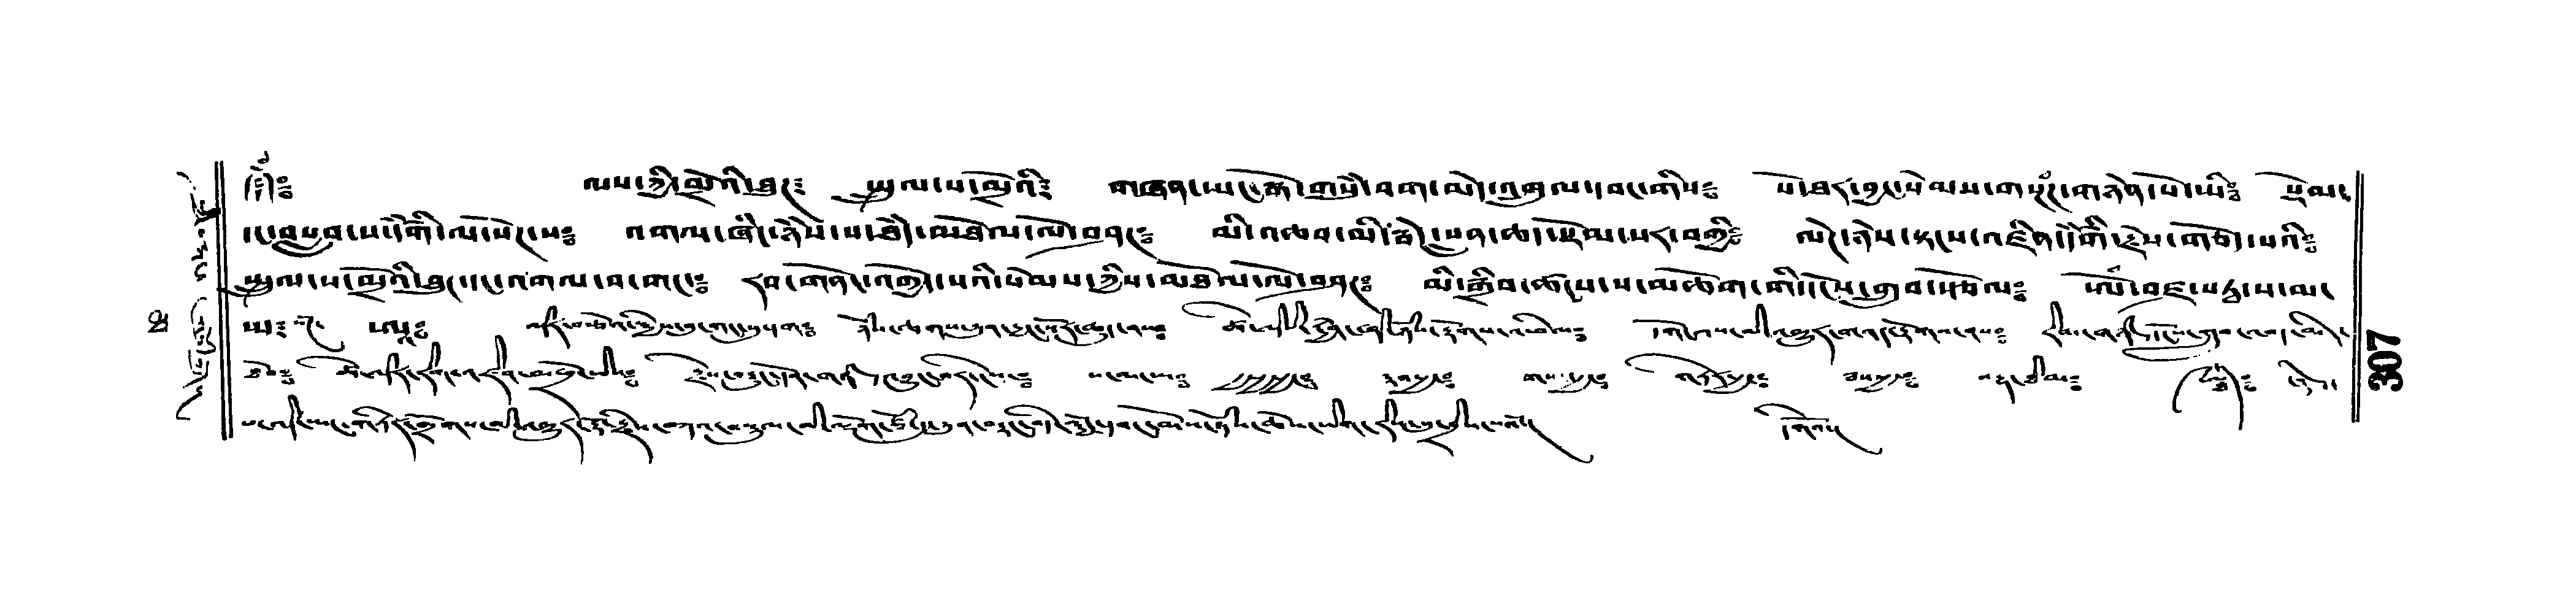ལས་ཀྱི་མཁའ་འགྲོའི་ཐུགས༴ སྤྲུལ་པ་མཁའ་འགྲོའི༴ གཞན་ཡང་སྒོ་གསུམ་བག་མེད་འཁྲུལ་དབང་གིས༔ སོ་ཐར་བྱང་སེམས་གསང་སྔགས་གཉེན་པོ་ཡི༔ སྡོམ་
དང་བསླབ་པ་དམ་ཚིག་ལ་སོགས་པ༔ འགལ་ཞིག་ཉམས་པ་ཐམས་ཅད་མཐོལ་ལོ་བཤགས༔ མི་འཆབ་མི་སྦེད་སླན་ཆད་སྡོམ་པར་བགྱི༔ ལེགས་ཉེས་སྟངས་འཛིན་དམ་ཚིག་རྗེས་གཅོད་པའི༔ 
སྤྲུལ་པ་མཁའ་འགྲོའི་ཐུགས་དང་འགལ་བ་གང༔ རབ་གནོང་འགྱོད་པའི་སེམས་ཀྱིས་མཐོལ་ལོ་བཤགས༔ མི་སྒྲིབ་ཚངས་པ་མཆོག་གི་དངོས་གྲུབ་སྩོལ༔ ཨོཾ་བཛྲ་སཏྭ་ས་མ་
ཡ་སོགས༔ ཨཱཿ འདིར་བརྩོན་སྐྱེས་བུ་གང་སུ་དག༔ ཉམས་ཆགས་ཀུན་ཀྱང་སོར་ཆུད་ནས༔ ཚེ་འདིའི་རྐྱེན་ཞི་ཉམས་རྟོགས་འཕེལ༔ དགོངས་པ་མི་འགྱུར་གནད་རྟོགས་ནས༔ རིམ་གཉིས་དངོས་གྲུབ་འབད་མེད་
ཐོབ༔ ཚེ་འདིར་རིག་འཛིན་མཁའ་འགྲོ་ཡིས༔ རྗེས་བཟུང་དོན་གཉིས་འབྱུང་བར་ངེས༔ ས་མ་ཡ༔ རྒྱ་རྒྱ་རྒྱ༔ ཟབ་རྒྱ༔ གསང་རྒྱ༔ གཏེར་རྒྱ༔ སྦས་རྒྱ༔ བརྡ་ཐིམ༔ ༔ ཞེས་
པ་འདི་ཡང་གཏེར་གྲོགས་མི་འགྱུར་རྡོ་རྗེས་བཀའ་བསྐུལ་མ་ལྡོག་ཙམ་དུ་ཀུན་བཟང་བདེ་སྐྱོང་དབང་མོས་ཉམས་ཆོས་ཡིག་རིས་སུ་བྲིས་པའོ།། དགེའོ།།